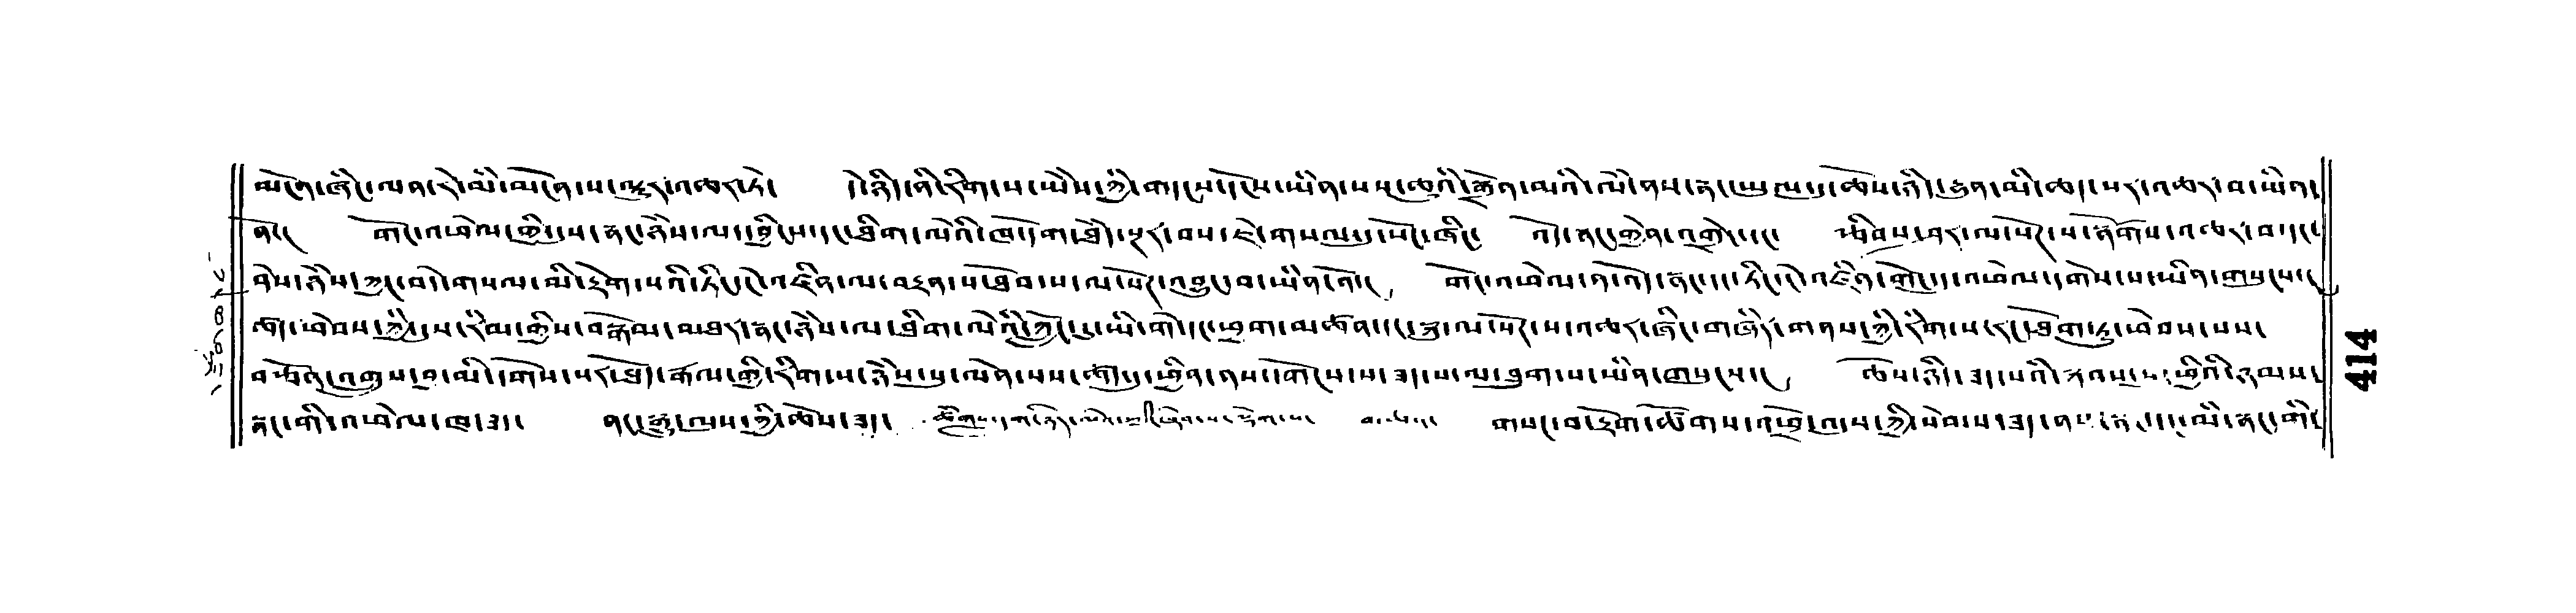མངོན་ཞིང་ལན་རེ་མི་མངོན་པ་ལྟ་བུར་འཆར་ཏེ། དེ་ཉིད་ནི་རིག་པ་ཡེ་ཤེས་ཀྱི་གདངས་དངོས་ཡིན་པས་ཆུའི་སྒྲོན་མའི་ལམ་ནས་སྣང་ཡུལ་དུ་ཆོས་ཉིད་རྒྱུན་མི་ཆད་པར་འཆར་བ་ཡིན་
ནོ། གོང་འཕེལ་གྱིས་དུས་སྣང་ཉམས་ལ་དབྱིངས་དང་ཐིག་ལེའི་ཁ་དོག་ཐམས་ཅད་སྔར་བས་ཇེ་གསལ་དུ་སོང་ཞིང་། འོད་སྣང་གྱེན་འགྲེང་དང་། རྩིབས་ཤར་ལ་སོགས་པ་སྣ་ཚོགས་འཆར་བ་དང་། 
ཤེས་ཉམས་ཀྱང་བདེ་གསལ་མི་རྟོག་པའི་ཏིང་ངེ་འཛིན་ལ་བརྟན་པ་ཐོབ་པ་ལ་སོགས་འབྱུང་བ་ཡིན་ནོ། གོང་འཕེལ་ན་འོད་སྣང་དང་ཏིང་ངེ་འཛིན་གོང་དུ་འཕེལ་དགོས་པ་ཡིན་གསུངས་།
ཚད་ཕེབས་ཀྱི་དུས་རིམ་གྱིས་བསྒོམ་མཐར་སྣང་ཉམས་ལ་ཐིག་ལེའི་ཀློང་དུ་ཡི་གེ་དང་ཕྱག་མཚན་དང་སྐུ་ལ་སོགས་པ་འཆར་ཞིང་གཞིར་གནས་ཀྱི་རིག་པ་རང་ཐོག་ཏུ་ཕེབས་པས་
བརྩོན་འགྲུས་བྱ་མི་དགོས་པར་ཐོད་རྒལ་གྱི་རིག་པ་ཉམས་སུ་ལེན་པས་ཚད་དུ་ཕྱིན་ནས་དགོངས་པ་ཟད་པ་ལ་ཐུག་པ་ཡིན་གསུངས། ཆོས་ཉིད་ཟད་པའི་སྐབས་སུ་ཕྱིའི་ཉམས་
སྣང་གི་འཕེལ་ཁ་ཟད། ནང་སྒྱུ་ལུས་ཀྱི་ཆོས་ཟད། གསང་བ་རྟོག་ཚོགས་འཕྲོ་འདུའི་སེམས་ཟད་ནས་སྣང་དང་མི་སྣང་གི་